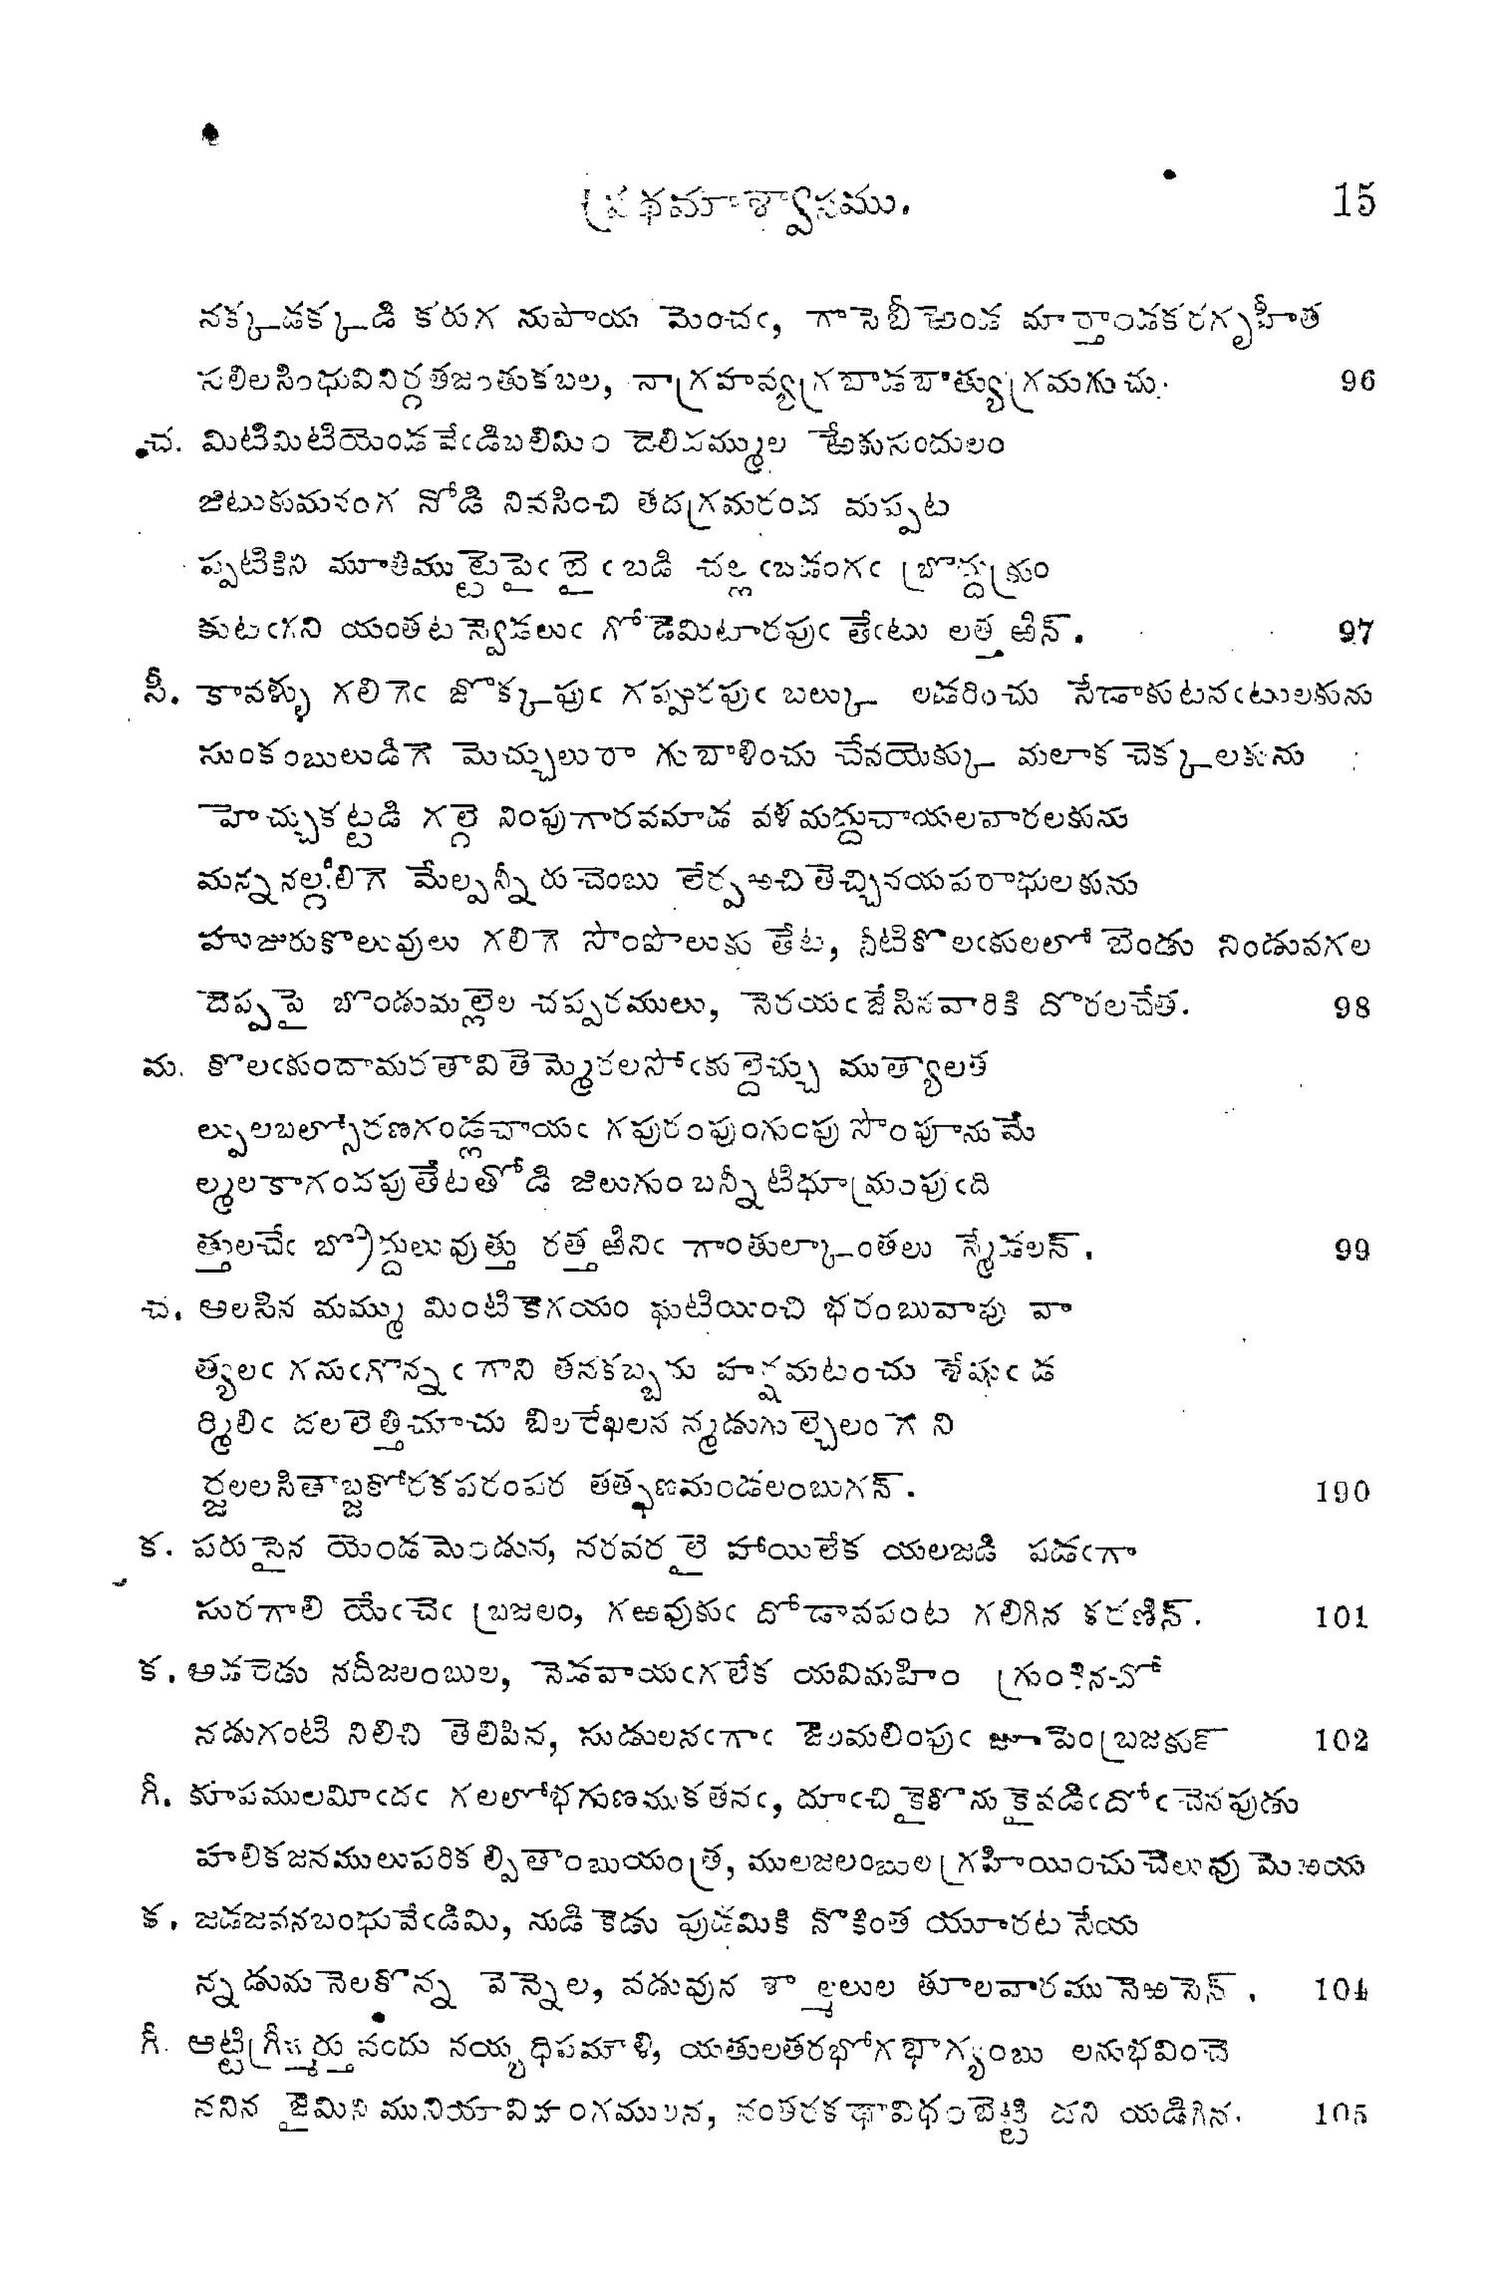నక్కడక్కడి కరుగ నుపాయ మెంచఁ, గాసె బీఱెండ మార్తాండకరగృహీత
సలిలసింధువినిర్గతజంతుకబల, నాగ్రహవ్యగ్రబాడబాత్యుగ్ర మగుచు.
చ. మిటిమిటియెండవేఁడిబలిమిం దెలిదమ్ముల ఱేకుసందులం
జిటుకుమనంగ నోడి నివసించి తదగ్రమరంద మప్పట
ప్పటికిని మూతిముటైపైఁ బైఁబడి చల్లఁబడంగఁ బ్రొద్దుకుం
కుటఁ గని యంతట న్వెడలుఁ గోడెమిటారపుఁతేఁటు లత్తఱిన్.
సీ. కావళ్ళు గలిగెఁ జొక్కపుఁ గప్పురపుఁ బల్కు లడరించు నేడాకుటనఁటులకును
సుంకంబు లుడిగె మెచ్చులు రా గుబాళించు చేవయెక్కు మలాక చెక్కలకును
హెచ్చుకట్టడి గల్గె నింపుగారవమాడ వళ మద్దుచాయలవారలకును
మన్నన ల్గలిగె మేల్పన్నీరుచెంబు లేర్పఱచి తెచ్చినయపరాధులకును
హుజురుకొలువులు గలిగె సొంపొలుకు తేట, నీటికొలఁకులలో బెండు నిండువగల
దెప్పపై బొండుమల్లెల చప్పరములు, నెరయఁజేసినవారికి దొరలచేత.
మ. కొలఁకుందామరతావితెమ్మెరలసోఁకు ల్దెచ్చు ముత్యాలత
ల్పులబల్సోరణగండ్లచాయఁ గపురంపుంగుంపుసొంపూను మే
ల్మలకాగందపుతేటతోడి జిలుగుంబన్నీటిధూమ్రంపుఁది
త్తులచేఁ బొద్దులు వుత్తు రత్తఱినిఁ గాంతు ల్కాంతలు న్మేడలన్.
చ. అలసిన మమ్ము మింటి కెగయం ఘటియించి భరంబువాపు వా
త్యలఁ గనుఁగొన్నఁ గాని తనకబ్బకు హర్షమటంచు శేషుఁ డ
ర్మిలిఁ దల లెత్తిచూచు బిలరేఖలన న్మడుగు ల్చెలంగె ని
ర్జలలసితాబ్దకోరకపరంపర తత్ఫణమండలంబుగన్.
క. పరుసైన యెండమెండున, నరవరలై హాయిలేక యలజడి పడఁగా
సురగాలి యేఁచెఁ బ్రజలం, గఱవుకుఁ దోడావపంట గలిగిన కరణిన్.
క. అడరెడు నదీజలంబుల, నెడవాయఁగలేక యవి మహిం గ్రుంకినచో
నడుగంటి నిలిచి తెలిపిన, సుడు లనఁగాఁ జెలమలింపుఁ జూపెం బ్రజకున్.
గీ. కూపములమీఁదఁ గలలోభగుణముకతనఁ, దూఁచి కైకొనుకైవడిఁ దోఁచె నపుడు
హలికజనములు పరికల్పితాంబుయంత్ర, ముల జలంబుల గ్రహియించు చెలువు మెఱయ
క. జడజవనబంధువేఁడిమి, నుడికెడు పుడమికి నొకింత యూరట సేయ
న్నడుమ నెలకొన్న వెన్నెల, నడువున శాల్మలుల తూలవారము నెఱసెన్.
గీ. అట్టి గ్రీష్మర్తునందు నయ్యధిపమౌళి, యతులతరభోగభాగ్యంబు లనుభవించె
ననిన జైమినిముని యావిహంగము లన, నంతరకథావిధం బెట్టిదని యడిగిన.